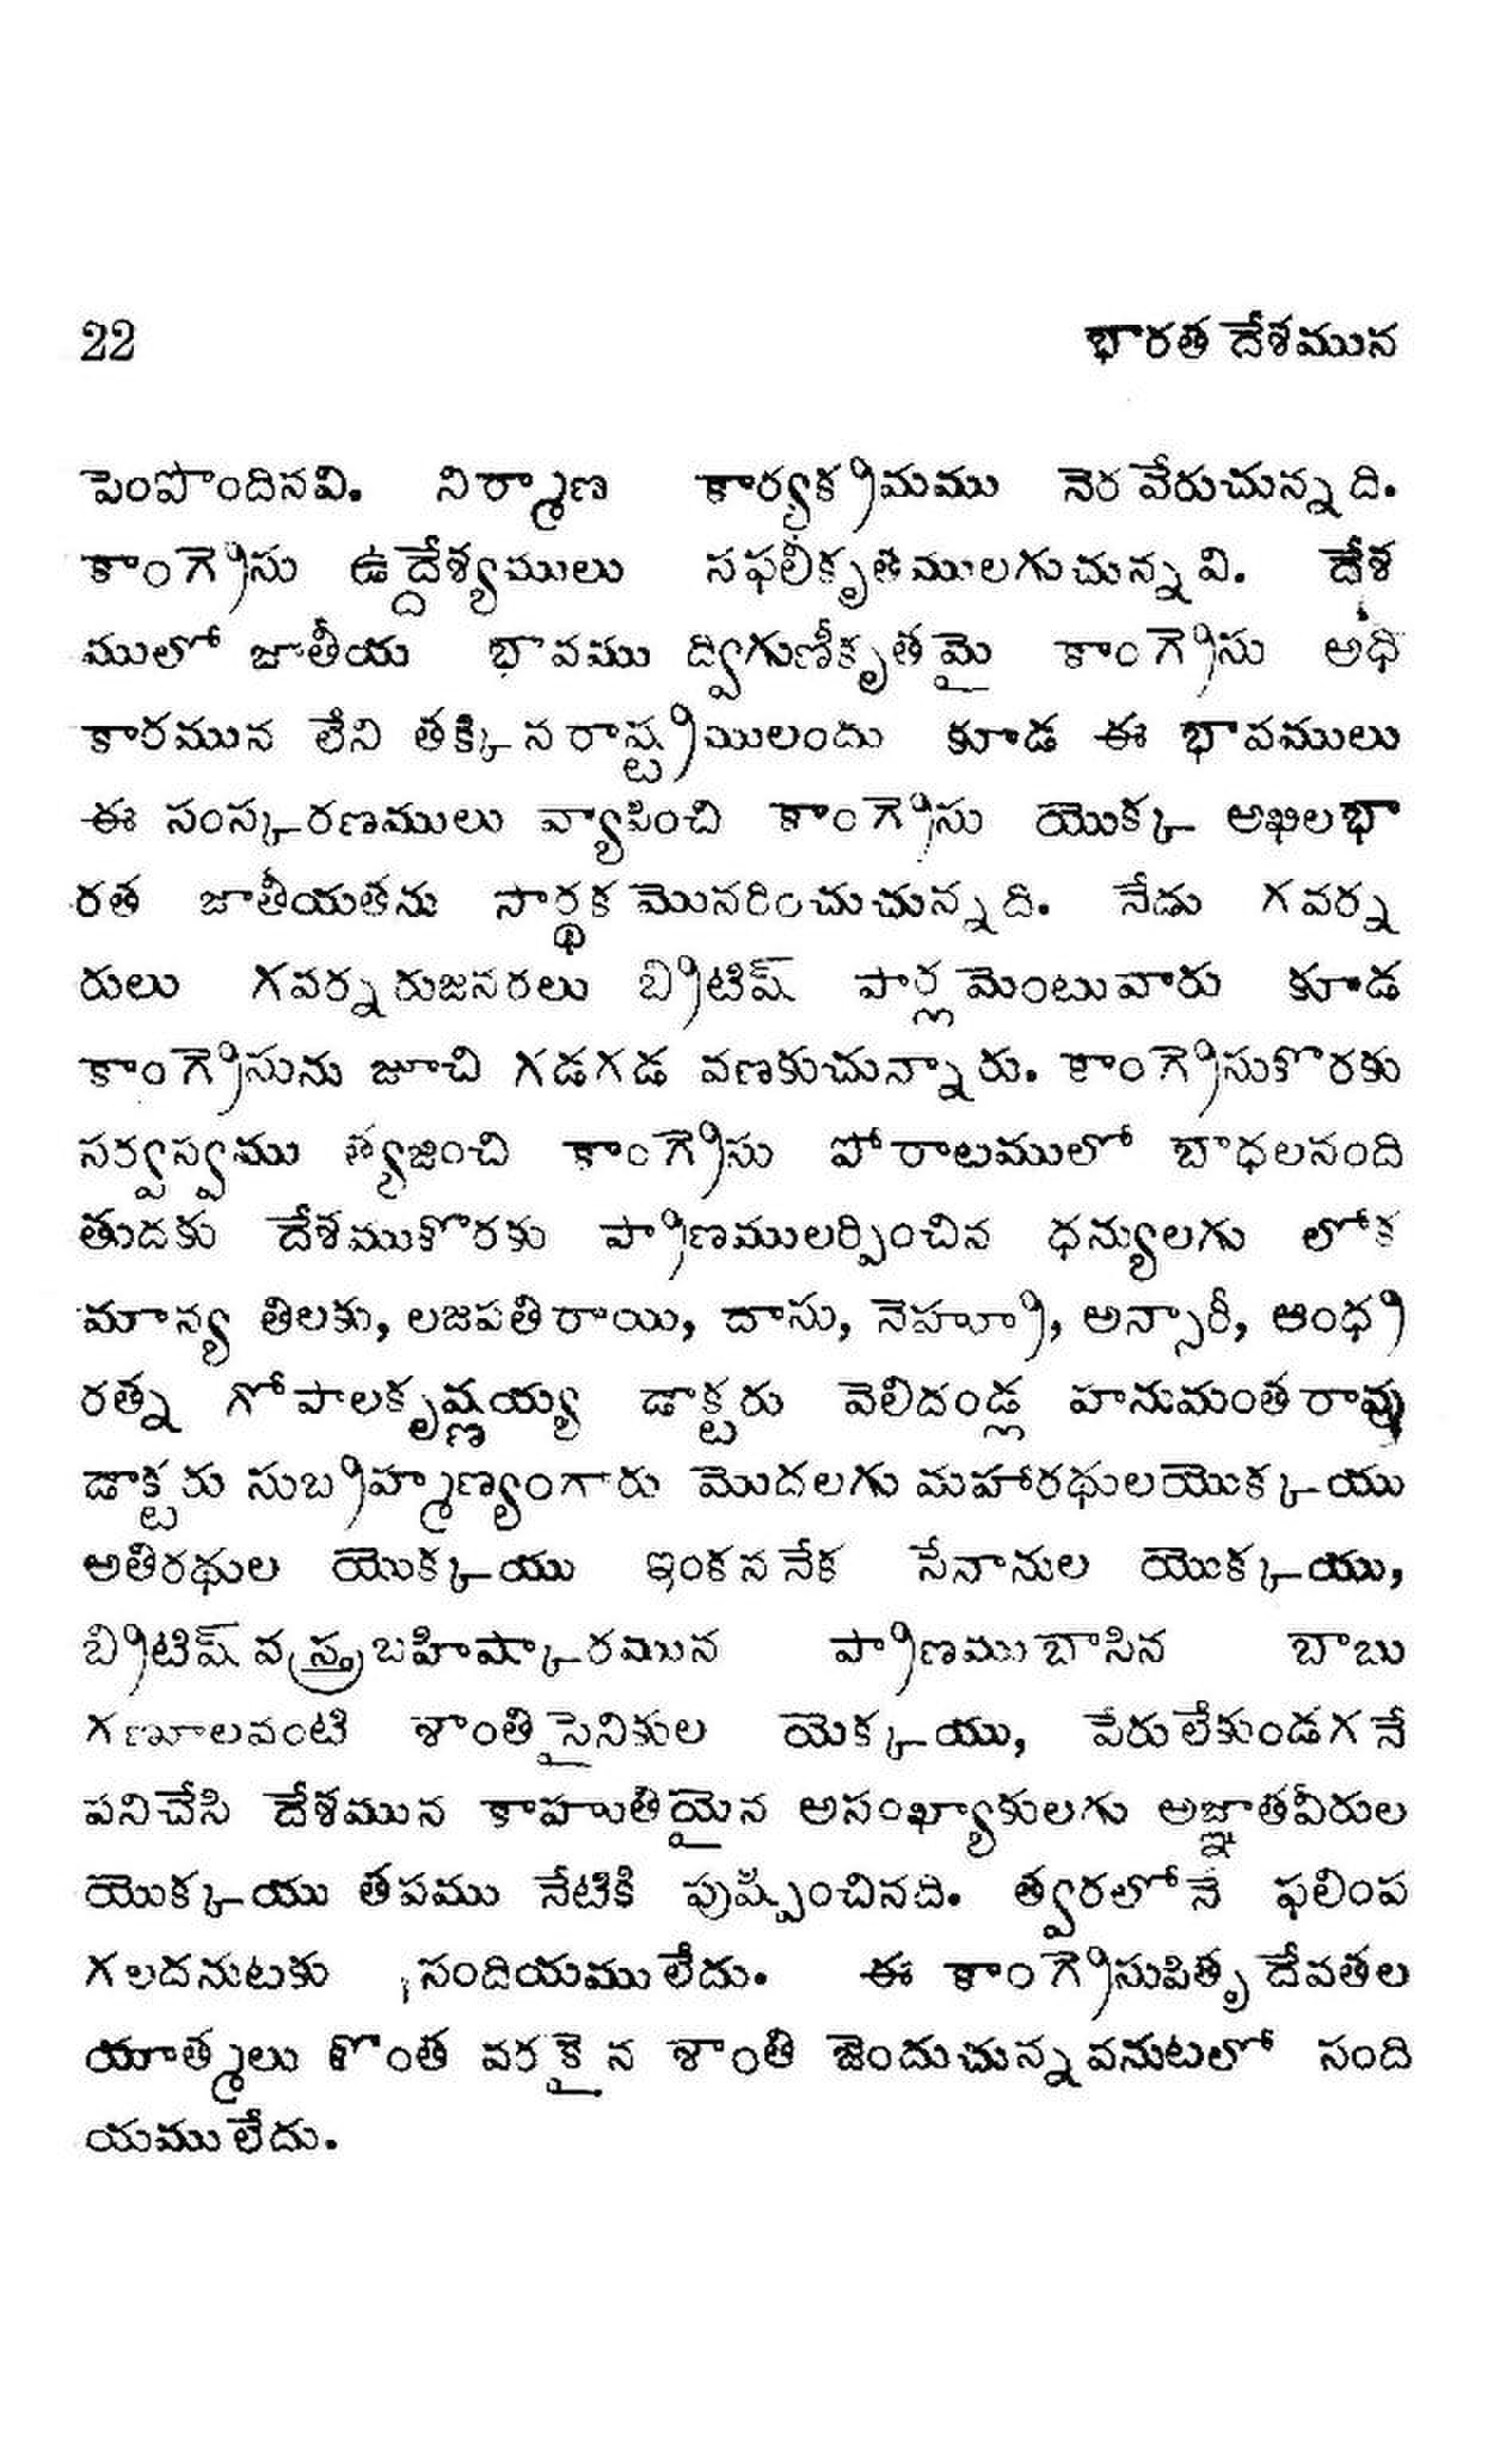పెంపొందినవి. నిర్మాణ కార్యక్రమము నెరవేరుచున్నది. కాంగ్రెసు ఉద్దేశ్యములు సఫలీకృతములగుచున్నవి. దేశములో జాతీయ భావము ద్విగుణీకృతమై కాంగ్రెసు అధికారమున లేని తక్కిన రాష్ట్రములందు కూడ ఈ భావములు ఈ సంస్కరణములు వ్యాపించి కాంగ్రెసు యొక్క అఖిలభారత జాతీయతను సార్ధక మొనరించుచున్నది. నేడు గవర్నరులు గవర్నరుజనరలు బ్రిటిష్ పార్లమెంటువారు కూడ కాంగ్రెసును జూచి గడగడ వణకుచున్నారు. కాంగ్రెసుకొరకు సర్వస్వము త్యజించి కాంగ్రెసు పోరాటములో బాధలనంది తుదకు దేశముకొరకు ప్రాణములర్పించిన ధన్యులగు లోకమాన్య తిలకు, లజపతిరాయి, దాసు, నెహ్రూ, అన్సారీ, ఆంధ్రరత్న గోపాలకృష్ణయ్య డాక్టరు వెలిదండ్ల హనుమంతరావు డాక్టరు సుబ్రహ్మణ్యంగారు మొదలగు మహారథులయొక్కయు అతిరథుల యొక్కయు ఇంకననేక సేనానుల యొక్కయు, బ్రిటిష్ వస్త్ర బహిష్కారమున ప్రాణముబాసిన బాబు గణూలవంటి శాంతిసైనికుల యొక్కయు, పేరులేకుండగనే పనిచేసి దేశమున కాహుతియైన అసంఖ్యాకులగు అజ్ఞాతవీరుల యొక్కయు తపము నేటికి పుష్పించినది. త్వరలోనే ఫలింప గలదనుటకు సందియములేదు. ఈ కాంగ్రెసుపితృ దేవతల యాత్మలు కొంత వరకైన శాంతి జెందుచున్నవనుటలో సందియములేదు.